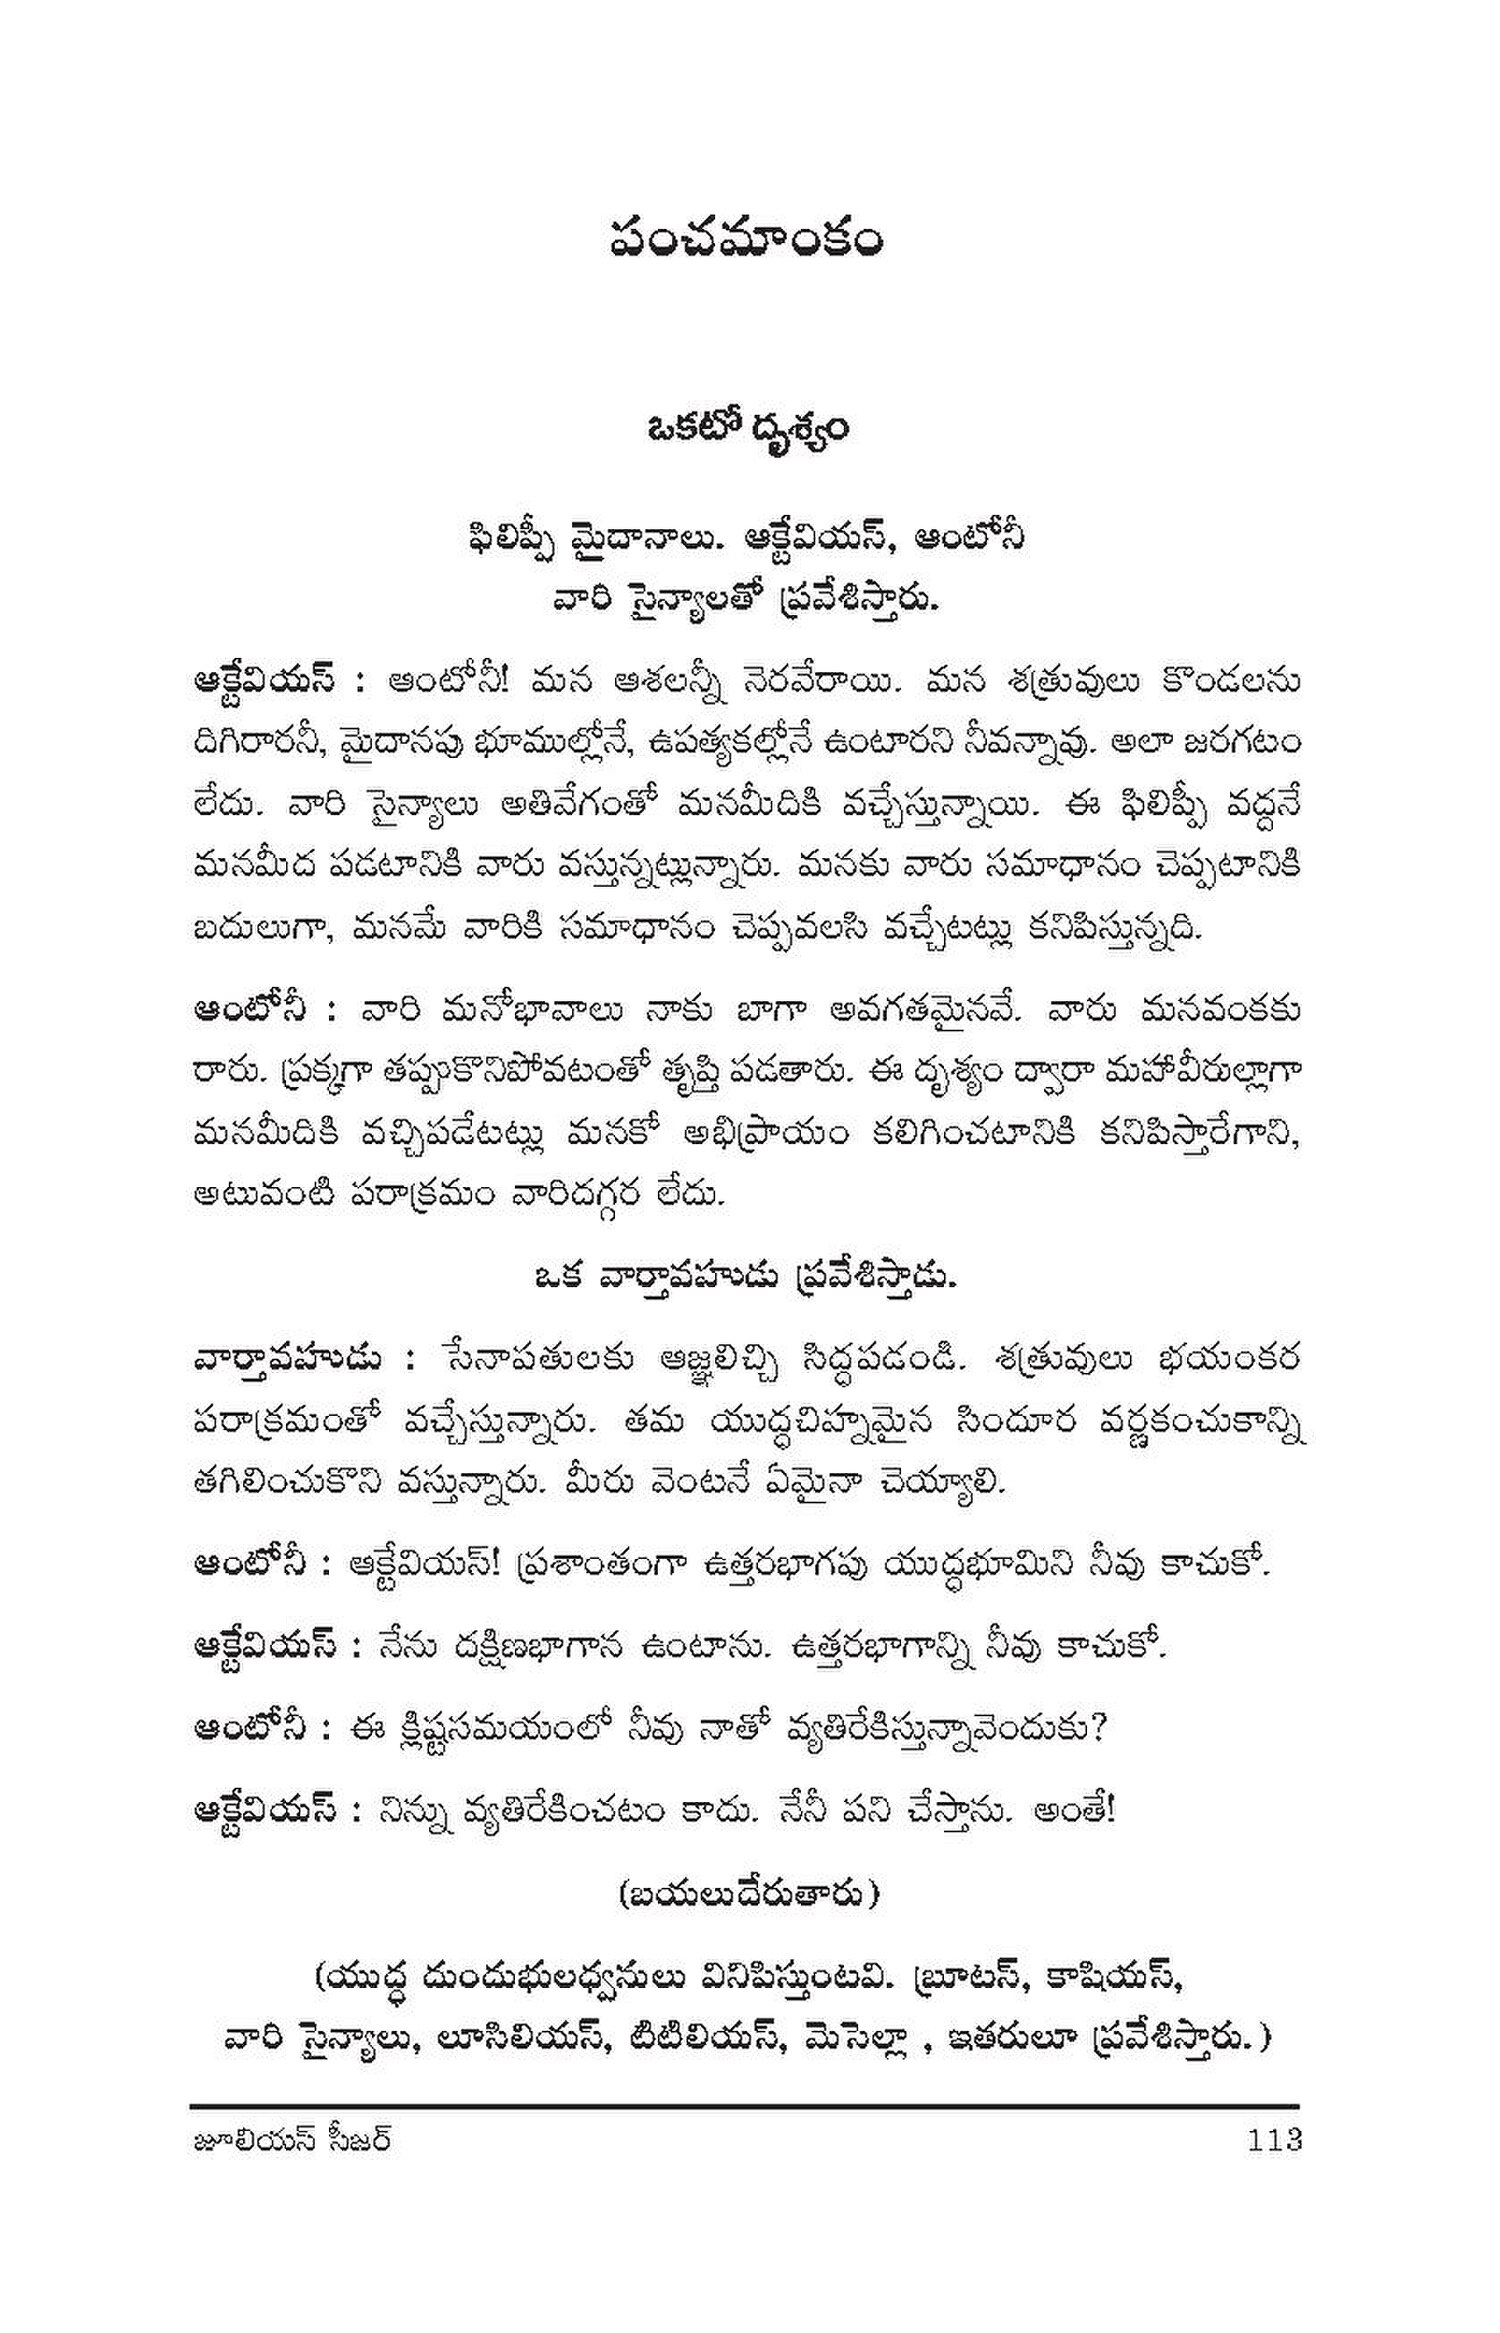ఆక్టేవియస్ : ఆంటోనీ! మన ఆశలన్నీ నెరవేరాయి. మన శత్రువులు కొండలను దిగిరారనీ, మైదానపు భూముల్లోనే, ఉపత్యకల్లోనే ఉంటారని నీవన్నావు. అలా జరగటం లేదు. వారి సైన్యాలు అతివేగంతో మనమీదికి వచ్చేస్తున్నాయి. ఈ ఫిలిప్పీ వద్దనే మనమీద పడటానికి వారు వస్తున్నట్లున్నారు. మనకు వారు సమాధానం చెప్పటానికి
బదులుగా, మనమే వారికి సమాధానం చెప్పవలసి వచ్చేటట్లు కనిపిస్తున్నది.

ఆంటోనీ : వారి మనోభావాలు నాకు బాగా అవగతమైనవే. వారు మనవంకకు రారు. ప్రక్కగా తప్పుకొనిపోవటంతో తృప్తి పడతారు. ఈ దృశ్యం ద్వారా మహావీరుల్లాగా మనమీదికి వచ్చిపడేటట్లు మనకో అభిప్రాయం కలిగించటానికి కనిపిస్తారేగాని, అటువంటి పరాక్రమం వారిదగ్గర లేదు.

వార్తావహుడు : సేనాపతులకు ఆజ్ఞలిచ్చి సిద్ధపడండి. శత్రువులు భయంకర పరాక్రమంతో వచ్చేస్తున్నారు. తమ యుద్ధచిహ్నమైన సిందూర వర్ణకంచుకాన్ని తగిలించుకొని వస్తున్నారు. మీరు వెంటనే ఏమైనా చెయ్యాలి.

ఆంటోనీ : ఆక్టేవియస్ ! ప్రశాంతంగా ఉత్తరభాగపు యుద్ధభూమిని నీవు కాచుకో.

ఆక్టేవియస్ : నేను దక్షిణభాగాన ఉంటాను. ఉత్తరభాగాన్ని నీవు కాచుకో.

ఆంటోనీ : ఈ క్లిష్టసమయంలో నీవు నాతో వ్యతిరేకిస్తున్నావెందుకు?

ఆక్టేవియస్ : నిన్ను వ్యతిరేకించటం కాదు. నేనీ పని చేస్తాను. అంతే!

జూలియస్ సీజర్113